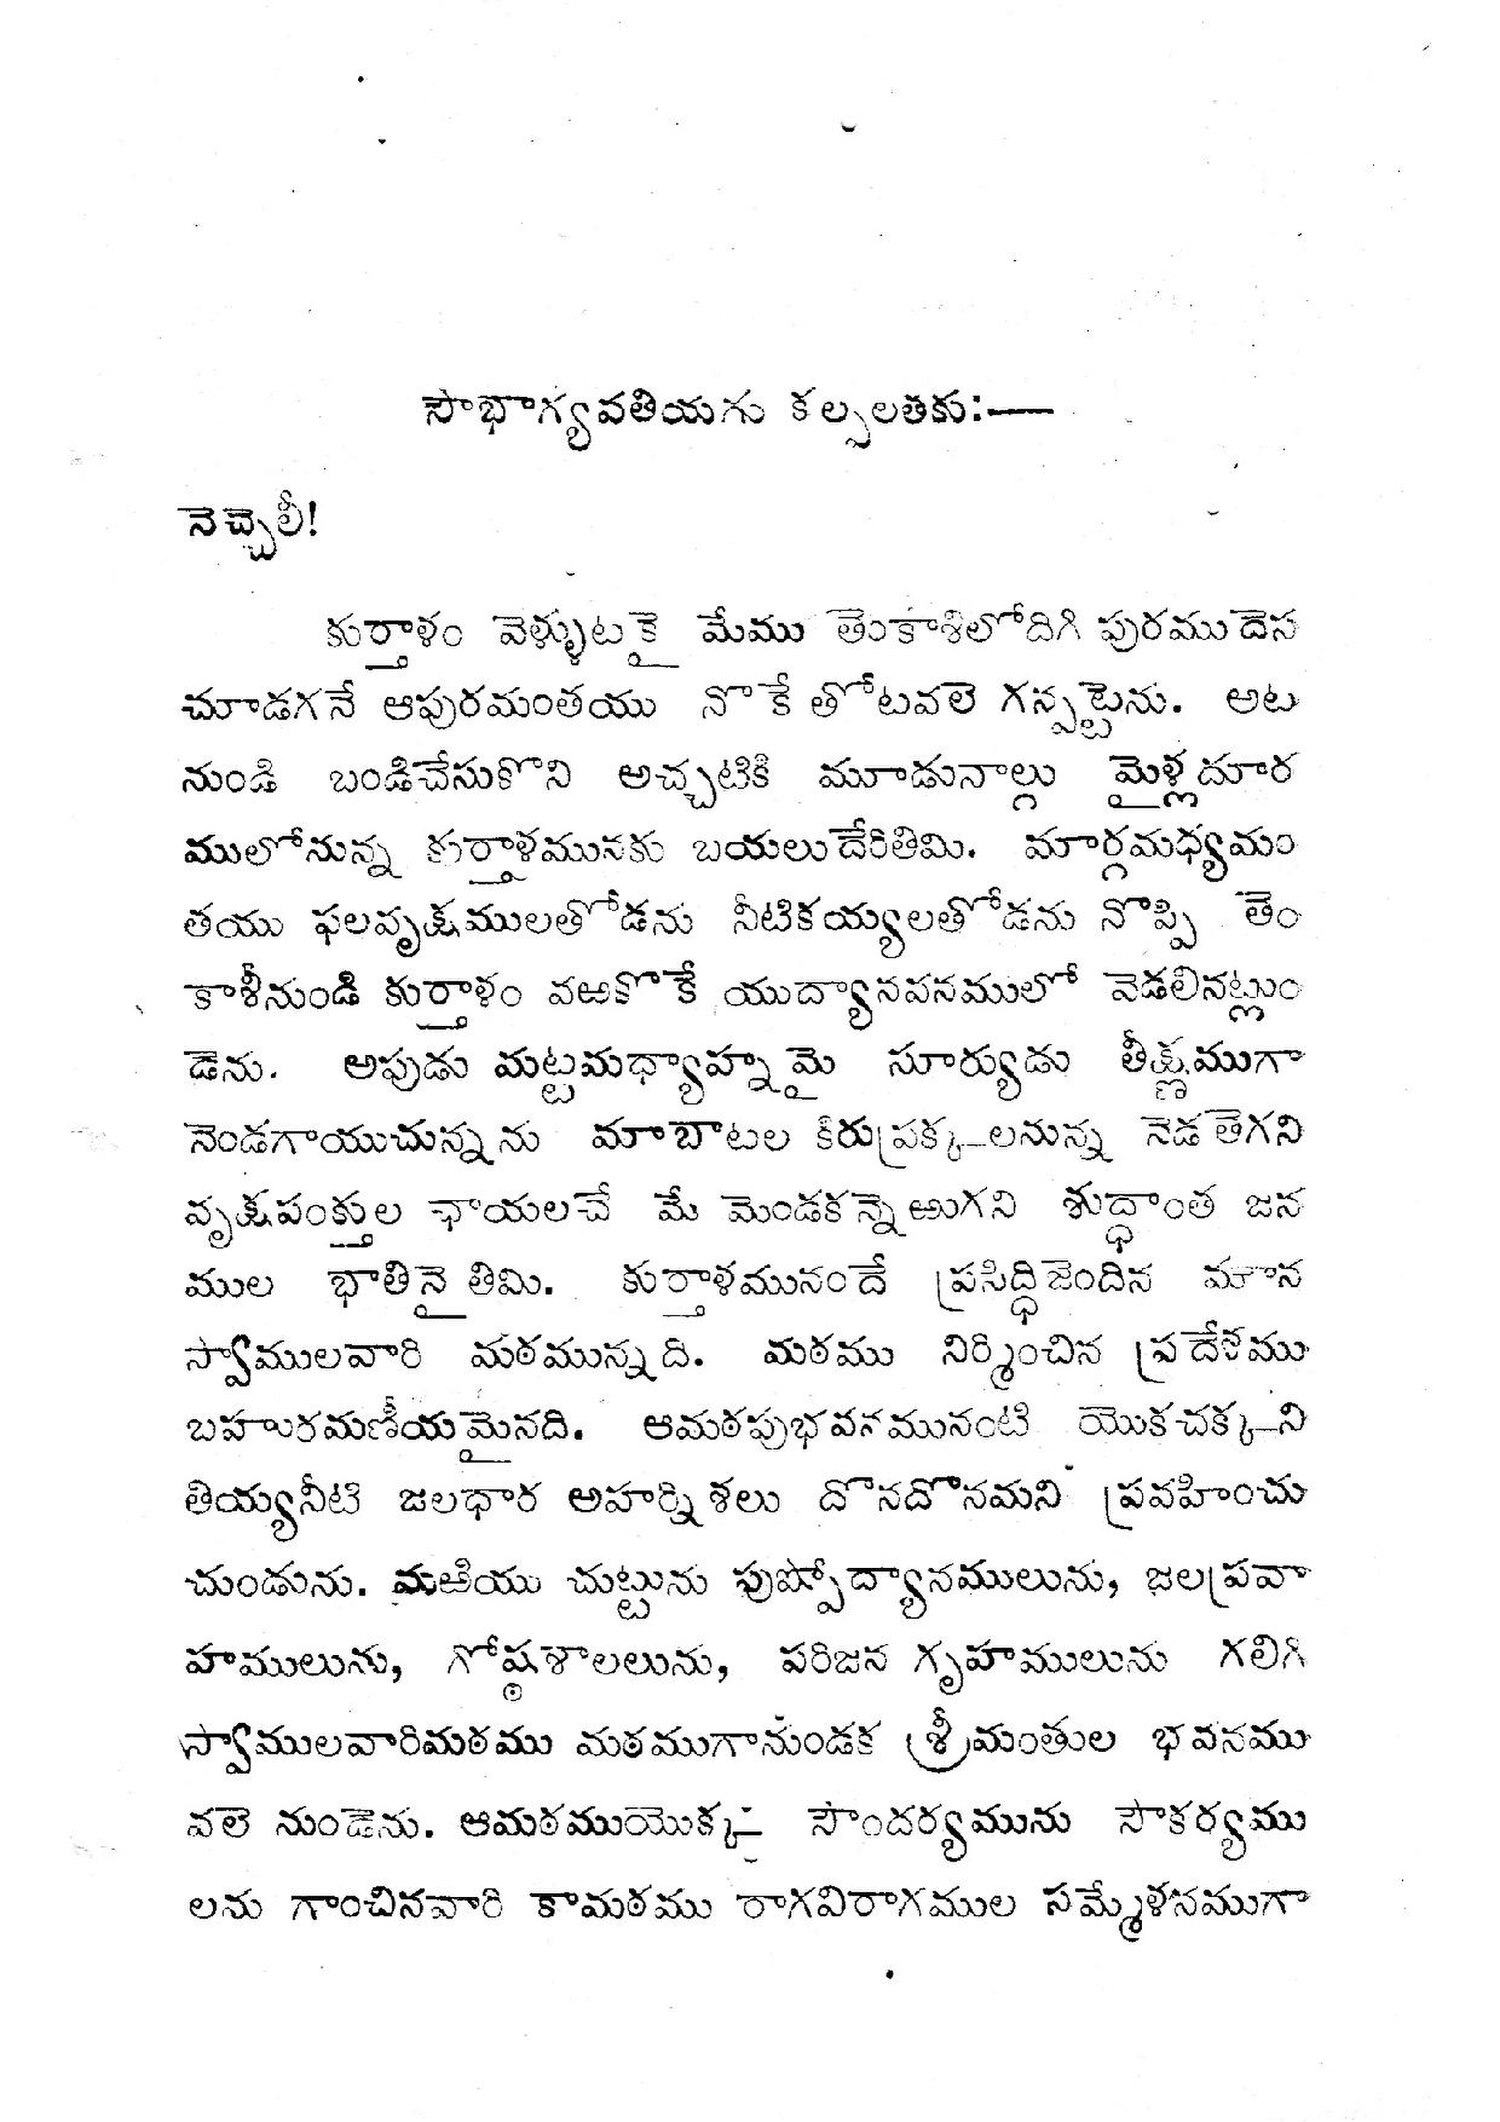నెచ్చెలీ!

కుర్తాళం వెళ్ళుటకై మేము తెంకాశిలోదిగి పురముదెస చూడగనే ఆపురమంతయు నొకే తోటవలె గన్పట్టెను. అటనుండి బండిచేసుకొని అచ్చటికి మూడునాల్గు మైళ్లదూరములోనున్న కుర్తాళమునకు బయలుదేరితిమి. మార్గమధ్యమంతయు ఫలవృక్షములతోడను నీటికయ్యలతోడను నొప్పి తెంకాశీనుండి కుర్తాళం వఱకొకే యుద్యానవనములో వెడలినట్లుండెను. అపుడు మట్టమధ్యాహ్నమై సూర్యుడు తీక్ష్ణముగా నెండగాయుచున్నను మాబాటల కిరుప్రక్కలనున్న నెడతెగని వృక్షపంక్తుల ఛాయలచే మే మెండకన్నెఱుగని శుద్ధాంత జనముల భాతినైతిమి. కుర్తాళమునందే ప్రసిద్ధిజెందిన మౌనస్వాములవారి మఠమున్నది. మఠము నిర్మించిన ప్రదేశము బహురమణీయమైనది. ఆమఠపుభవనమునంటి యొకచక్కని తియ్యనీటి జలధార అహర్నిశలు దొనదొనమని ప్రవహించు చుండును. మఱియు చుట్టును పుష్పోద్యానములును, జలప్రవాహములును, గోష్ఠశాలలును, పరిజన గృహములును గలిగి స్వాములవారిమఠము మఠముగానుండక శ్రీమంతుల భవనమువలె నుండెను. ఆమఠముయొక్క సౌందర్యమును సౌకర్యములను గాంచినవారి కామఠము రాగవిరాగముల సమ్మేళనముగా